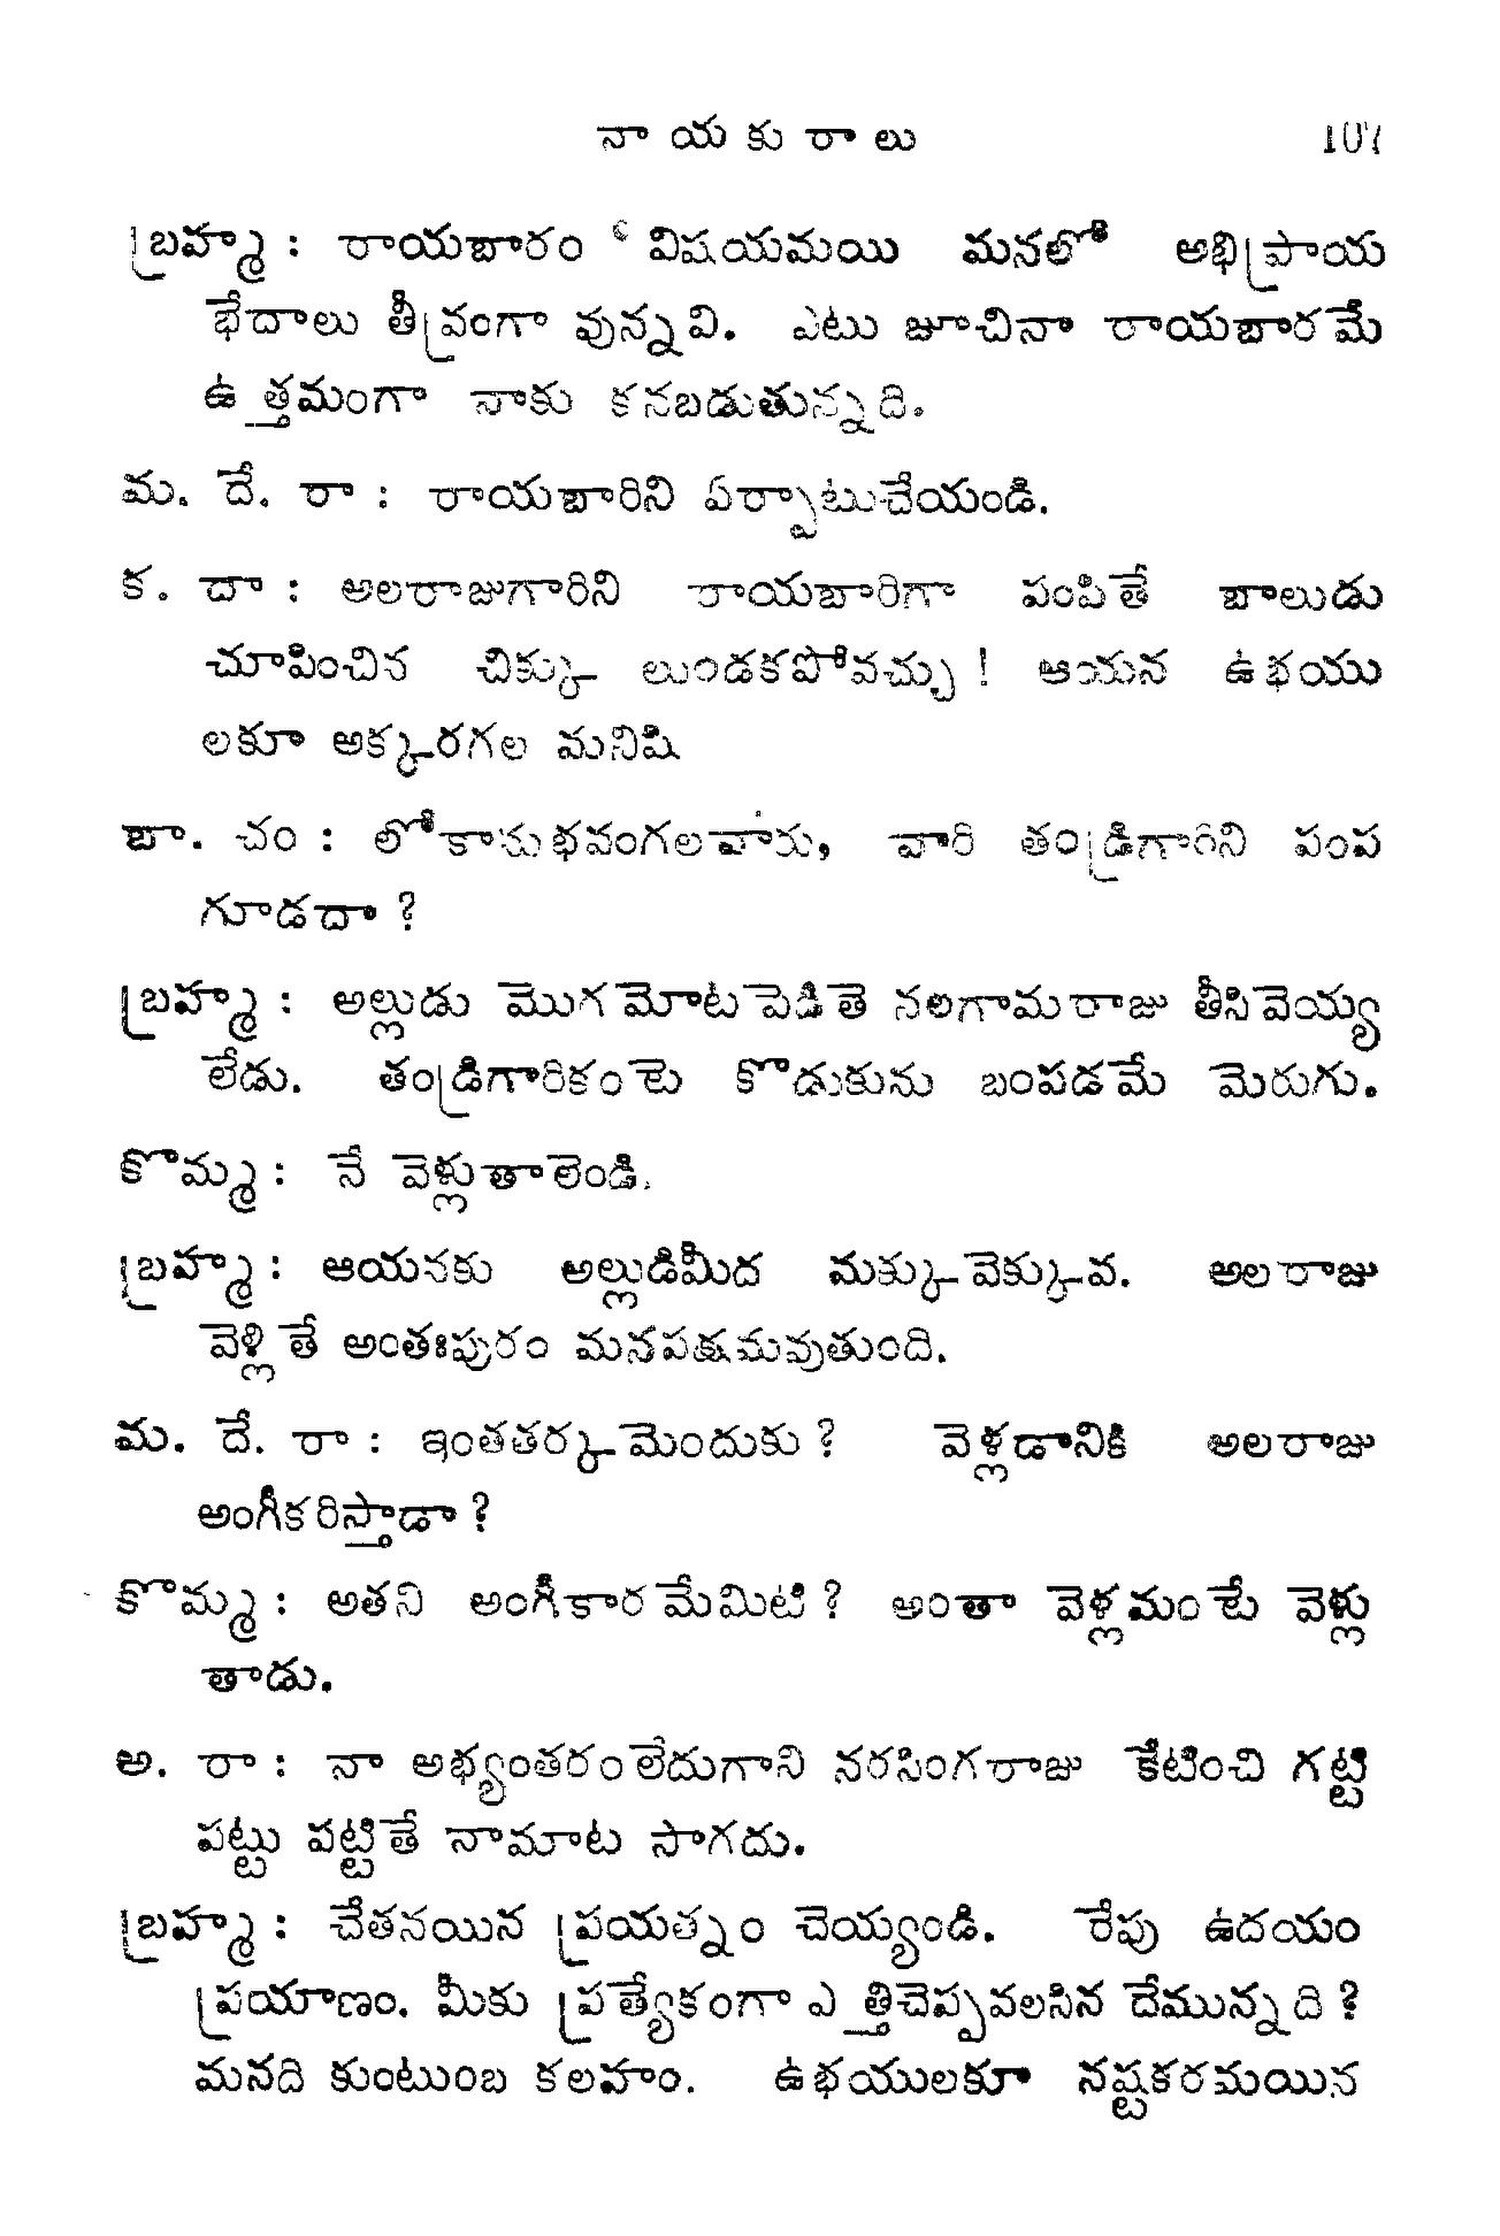బ్రహ్మ : రాయబారం విషయమయి మనలో అభిప్రాయ భేదాలు తీవ్రంగా వున్నవి. ఎటు జూచినా రాయబారమే ఉత్తమంగా నాకు కనబడుతున్నది.

మ. దే. రా : రాయబారిని ఏర్పాటుచేయండి.

క. దా : అలరాజుగారిని రాయబారిగా పంపితే బాలుడు చూపించిన చిక్కు లుండకపోవచ్చు ! ఆయన ఉభయులకూ అక్కరగల మనిషి

బా. చం : లోకానుభవంగలవారు, వారి తండ్రిగారిని పంపగూడదా?

బ్రహ్మ : అల్లుడు మొగమోటపెడితే నలగామరాజు తీసివెయ్య లేడు. తండ్రిగారికంటె కొడుకును బంపడమే మెరుగు.

కొమ్మ : నే వెళ్లుతాలెండి.

బ్రహ్మ : ఆయనకు అల్లుడిమీద మక్కు వెక్కువ. అలరాజు వెళ్లి తే అంతఃపురం మనపక్షమవుతుంది.

మ. దే. రా : ఇంతతర్క మెందుకు ? వెళ్లడానికి అలరాజు అంగీకరిస్తాడా?

కొమ్మ : అతని అంగీకారమేమిటి? అంతా వెళ్లమంటే వెళ్లుతాడు.

అ. రా : నా అభ్యంతరంలేదుగాని నరసింగరాజు కేటించి గట్టిపట్టు పట్టితే నామాట సాగదు.

బ్రహ్మ : చేతనయిన ప్రయత్నం చెయ్యండి. రేపు ఉదయం ప్రయాణం. మీకు ప్రత్యేకంగా ఎత్తిచెప్పవలసిన దేమున్నది ? మనది కుంటుంబ కలహం. ఉభయులకూ నష్టకరమయిన